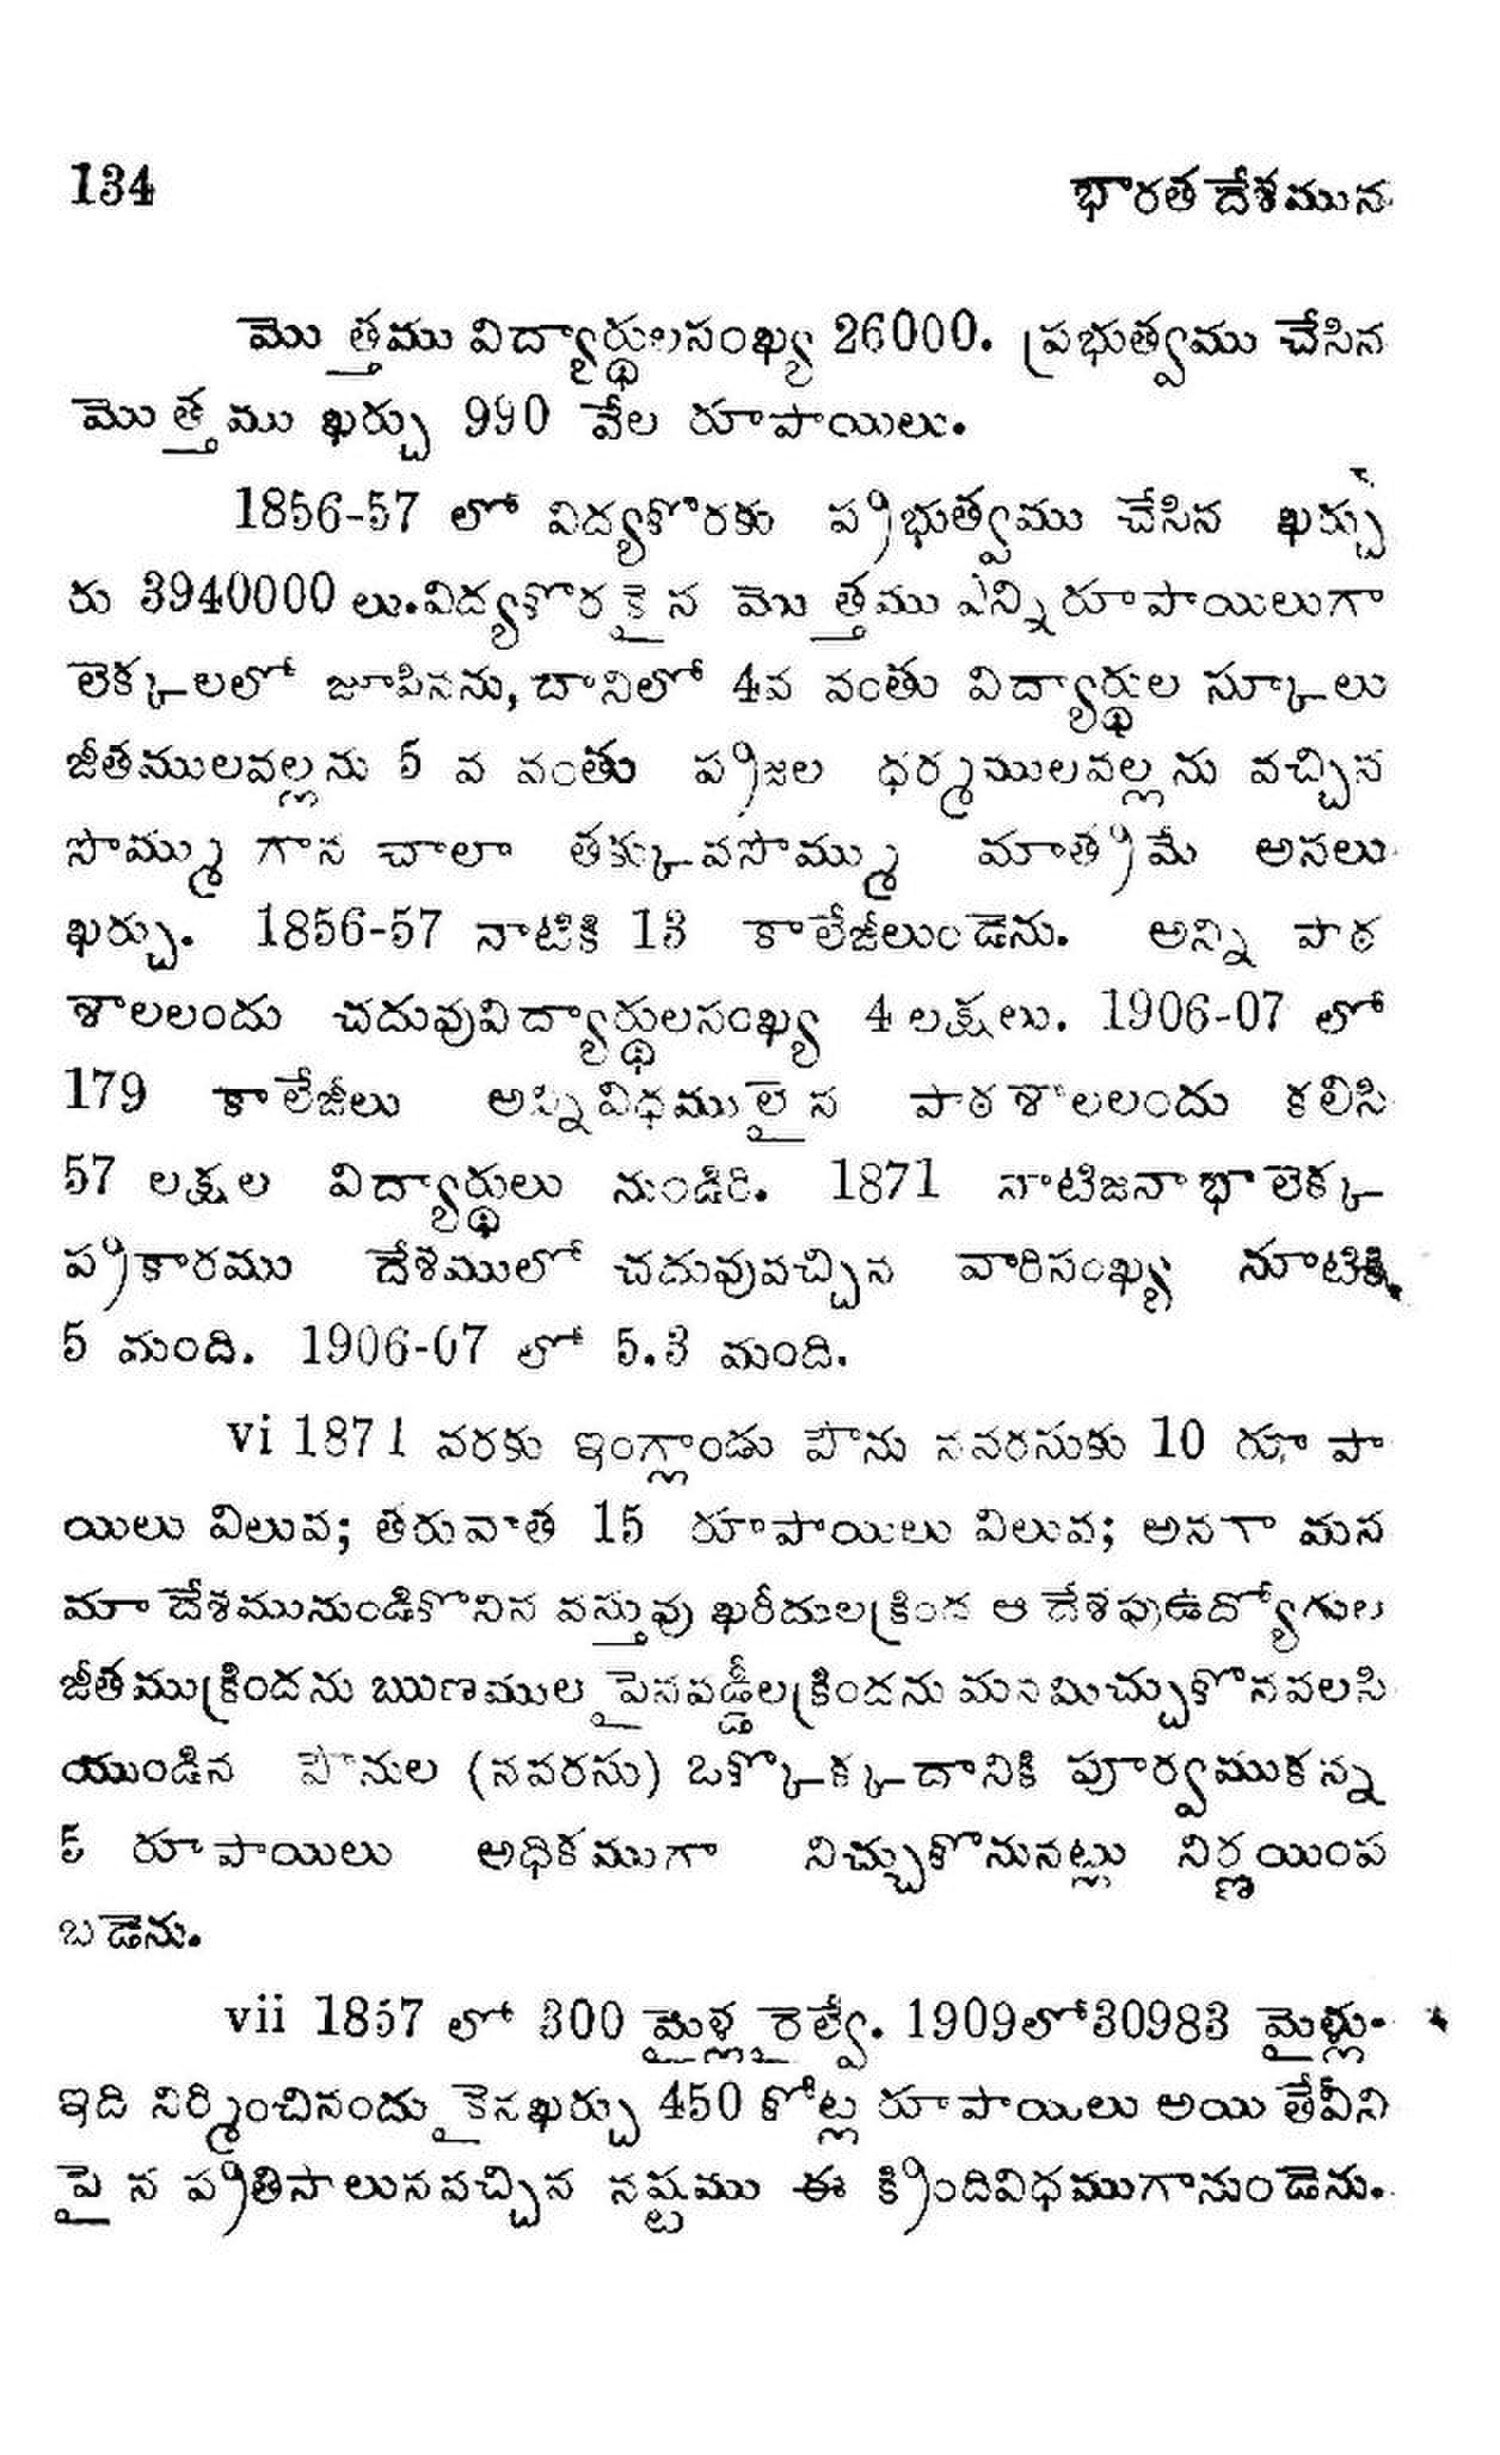మొత్తము విద్యార్థులసంఖ్య 26000. ప్రభుత్వము చేసిన మొత్తము ఖర్చు 990 వేల రూపాయిలు.

1856-57 లో విద్యకొరకు ప్రభుత్వము చేసిన ఖర్చు రు 3940000 లు. విద్యకొరకైన మొత్తము ఎన్నిరూపాయిలుగా లెక్కలలో జూపినను, దానిలో 4వ వంతు విద్యార్థుల స్కూలు జీతములవల్లను 5 వ వంతు ప్రజల ధర్మములవల్లను వచ్చినసొమ్ము గాన చాలా తక్కువసొమ్ము మాత్రమే అసలు ఖర్చు. 1856-57 నాటికి 13 కాలేజీలుండెను. అన్ని పాఠశాలలందు చదువువిద్యార్థులసంఖ్య 4 లక్షలు. 1906-07 లో 179 కాలేజీలు అన్నివిధములైన పాఠశాలలందు కలిసి 57 లక్షల విద్యార్థులు నుండిరి. 1871 నాటిజనాభాలెక్క ప్రకారము దేశములో చదువువచ్చిన వారిసంఖ్య నూటికి, 5 మంది. 1906-07 లో 5.3 మంది.

vi 1871 వరకు ఇంగ్లాండు పౌను నవరసుకు 10 రూపాయిలు విలువ; తరువాత 15 రూపాయిలు విలువ; అనగా మన మాదేశమునుండికొనిన వస్తువు ఖరీదులక్రింద ఆదేశపుఉద్యోగులు జీతముక్రిందను ఋణములపైన వడ్డీలక్రిందను మనమిచ్చుకొనవలసి యుండిన పౌనుల (నవరసు) ఒక్కొక్కదానికి పూర్వముకన్న 5 రూపాయిలు అధికముగా నిచ్చుకొనునట్లు నిర్ణయింపబడెను.

vii 1857 లో 300 మైళ్ల రైల్వే. 1909లో 30983 మైళ్లు. ఇది నిర్మించినందు కైనఖర్చు 450 కోట్ల రూపాయిలు అయితేవీనిపైన ప్రతిసాలునవచ్చిన నష్టము ఈ క్రిందివిధముగానుండెను..